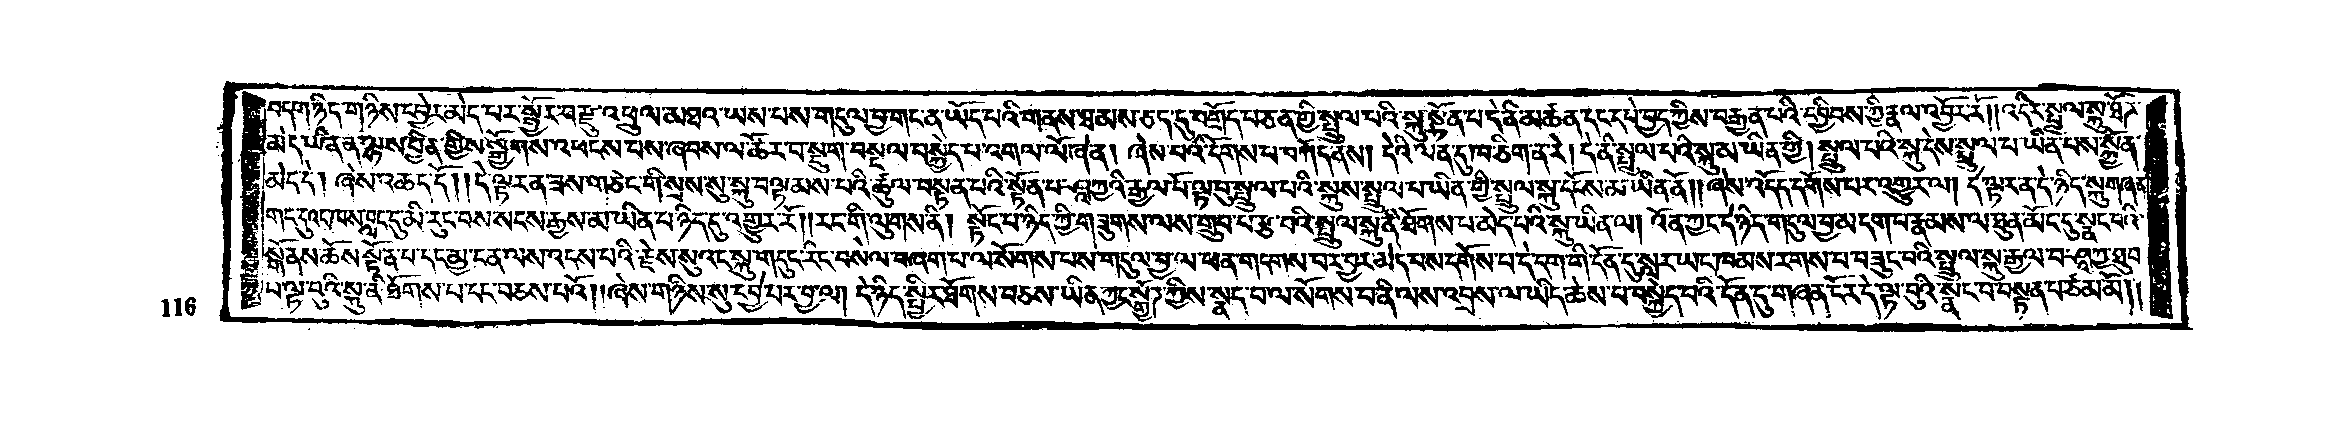བདག་ཉིད་གཉིས་དབྱེར་མེད་པར་སྦྱོར་བ་རྫུ་འཕྲུལ་མཐའ་ཡས་པས་གདུལ་བྱ་གང་ན་ཡོད་པའི་གནས་ཐམས་ཅད་དུ་བགྲོད་པ་ཅན་གྱི་སྤྲུལ་པའི་སྐུ་སྟོན་པ་དེ་ནི་མཚན་དང་དཔེ་བྱད་ཀྱིས་བརྒྱན་པའི་དབྱིབས་ཀྱི་རྣལ་འབྱོར་རོ། །འདིར་སྤྲུལ་སྐུ་ཐོགས་
མེད་ཡིན་ན་ལྷས་བྱིན་གྱིས་སྒྱོགས་འཕངས་པས་ཞབས་ལ་ཚོར་བ་སྡུག་བསྔལ་བསྐྱེད་པ་འགལ་ལོ་ཞེ་ན། ཞེས་པའི་དོགས་པ་བཀོད་ནས། དེའི་ལན་དུ་ཁ་ཅིག་ན་རེ། དེ་ནི་སྤྲུལ་པའི་སྐུ་མ་ཡིན་གྱི། སྤྲུལ་པའི་སྐུ་དེས་སྤྲུལ་པ་ཡིན་པས་སྐྱོན་
མེད་དེ། ཞེས་འཆད་དོ། །དེ་ལྟར་ན་ཟས་གཙང་གི་སྲས་སུ་སྐུ་བལྟམས་པའི་ཚུལ་བསྟན་པའི་སྟོན་པ་ཤཱཀྱའི་རྒྱལ་པོ་ལྟ་བུ་སྤྲུལ་པའི་སྐུས་སྤྲུལ་པ་ཡིན་གྱི་སྤྲུལ་སྐུ་དངོས་མ་ཡིན་ནོ། །ཞེས་འདོད་དགོས་པར་འགྱུར་ལ། དེ་ལྟར་ན་དེ་ཉིད་སྐུ་གཞན་
གང་དུའང་ཁས་བླང་དུ་མི་རུང་བས་སངས་རྒྱས་མ་ཡིན་པ་ཉིད་དུ་འགྱུར་རོ། །རང་གི་ལུགས་ནི། སྟོང་པ་ཉིད་ཀྱི་གཟུགས་ལས་གྲུབ་པ་རྩ་བའི་སྤྲུལ་སྐུ་ནི་ཐོགས་པ་མེད་པའི་སྐུ་ཡིན་ལ། འོན་ཀྱང་དེ་ཉིད་གདུལ་བྱ་མ་དག་པ་རྣམས་ལ་ཐུན་མོང་དུ་སྣང་བའི་
སྒོ་ནས་ཆོས་སྟོན་པ་དང་མྱ་ངན་ལས་འདས་པའི་རྗེས་སུའང་སྐུ་གདུང་རིང་བསེལ་བཞག་པ་ལ་སོགས་པས་གདུལ་བྱ་ལ་ཕན་གདགས་པར་བྱར་མེད་པས་དགོས་པ་དེ་དག་གི་དོན་དུ་སླར་ཡང་ཁམས་རགས་པ་བཟུང་བའི་སྤྲུལ་སྐུ་རྒྱལ་བ་ཤཱཀྱ་ཐུབ་
པ་ལྟ་བུའི་སྐུ་ནི་ཐོགས་པ་དང་བཅས་པའོ། །ཞེས་གཉིས་སུ་དབྱེ་བར་བྱ་ལ། དེ་ཉིད་སྤྱིར་ཐོགས་བཅས་ཡིན་ཀྱང་སྒྱོགས་ཀྱིས་སྣང་བ་ལ་སོགས་པ་ནི་ལས་འབྲས་ལ་ཡིད་ཆེས་པ་བསྐྱེད་པའི་དོན་དུ་གཞན་ངོར་དེ་ལྟ་བུའི་སྣང་བ་བསྟན་པ་ཙམ་མོ།